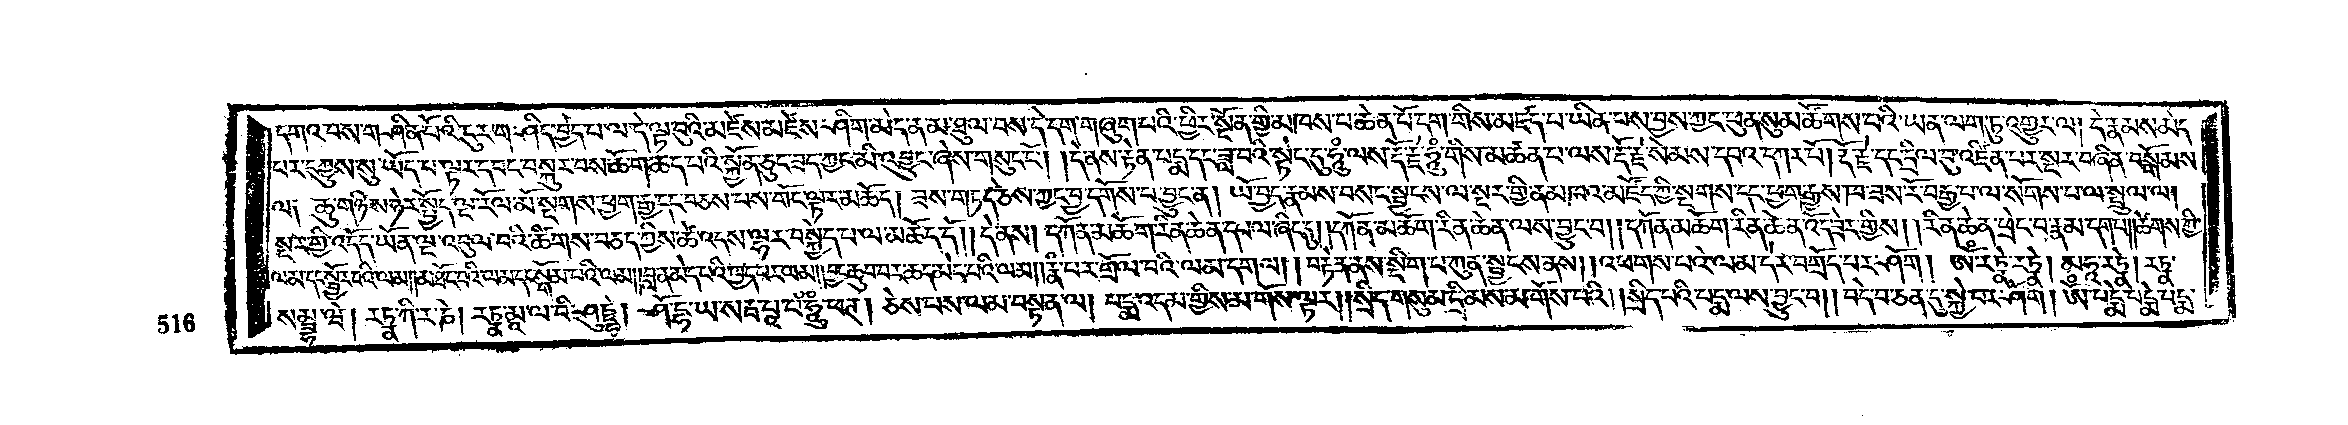དགའ་བས་གཤིན་ཕོའི་དུར་གཤིད་བྱེད་པ་ལ་དེ་ལྟ་བུའི་མཛེས་མཛེས་ཤིག་མེད་ན་མ་ཐུལ་བས་དེ་དག་གཞུག་པའི་ཕྱིར་སྔོན་གྱི་མཁས་པ་ཆེན་པོ་དག་གིས་མཛད་པ་ཡིན་པས་བྱས་ཀྱང་ཕུན་སུམ་ཚོགས་པའི་ཡན་ལག་ཏུ་འགྱུར་ལ། དེ་རྣམས་མེད་
པར་དཀྱུས་སུ་ཡོད་པ་ལྟར་དབང་བསྐུར་བས་ཆོ་ག་ཆད་པའི་སྐྱོན་ཅུང་ཟད་ཀྱང་མི་འབྱུང་ཞེས་གསུང་ངོ། །དེ་ནས་རྟེན་པདམ་དང་ཟླ་བའི་སྟེང་དུ་ཧཱུཾ་ལས་རྡོ་རྗེ་ཧཱུཾ་གིས་མཚན་པ་ལས་རྡོ་རྗེ་སེམས་དཔའ་དཀར་པོ། རྡོ་རྗེ་དང་དྲིལ་བུ་འཛིན་པར་སྔར་བཞིན་བསྒོམས་
ལ༑ ཆུ་གཉིས་ཉེར་སྤྱོད་ལྔ་རོལ་མོ་སྔགས་ཕྱག་རྒྱ་དང་བཅས་པས་གོང་ལྟར་མཆོད། ཟས་གཏད་ཅིས་ཀྱང་བྱ་དགོས་པ་བྱུང་ན། ཡོ་བྱད་རྣམས་བསང་སྦྱངས་ལ་སྔར་གྱི་ནམ་མཁའ་མཛོད་ཀྱི་སྔགས་དང་ཕྱག་རྒྱས་ཁ་ཟས་རོ་བརྒྱ་པ་ལ་སོགས་པ་ལ་སྤྲུལ་ལ།
སྔར་གྱི་འདོད་ཡོན་ལྔ་འབུལ་བའི་ཚིགས་བཅད་ཀྱིས་ཚེ་འདས་ལྷར་བསྐྱེད་པ་ལ་མཆེད་དོ། །དེ་ནས། དཀོན་མཆོག་རིན་ཆེན་དཔལ་ཞིང་དུ། དཀོན་མཆོག་རིན་ཆེན་ལས་བྱུང་བ། །དཀོན་མཆོག་རིན་ཆེན་འོད་ཟེར་གྱིས། །རིན་ཆེན་ཕྲེང་བ་རྣམ་དག་པ། །ཚེགས་ཀྱི་
ལམ་དང་སྦྱོར་བའི་ལམ། །མཐོང་བའི་ལམ་དང་སྒོམ་པའི་ལམ། །བླ་ན་མེད་པའི་ཁྱད་པར་ལམ། །བྱང་ཆུབ་བར་ཆད་མེད་པའི་ལམ། །རྣཾ་པར་གྲོལ་བའི་ལམ་དག་ལ། །བརྟེན་ནས་སྡིག་པ་ཀུན་སྦྱངས་ནས། །འཕགས་པའི་ལམ་དེར་བགྲོད་པར་ཤོག །ཨོཾ་རཏྣེ་རཏྣེ། མཧཱ་རཏྣེ། རཏྣ་
སམྦྷ་ཝེ། རཏྣ་ཀི་ར་ཎེ། རཏྣ་མཱ་ལ་བི་ཤྡྡྷེ། ཤོ་དྷ་ཡ་སརྦ་པཱ་པཾ་ཧཱུཾ་ཕཊ། ཅེས་པས་ལམ་བསྟན་ལ། པདམ་འདམ་གྱིས་མ་གོས་ལྟར། །སྲིད་གསུམ་དྲི་མས་མ་གོས་པའི། །སྲིད་པའི་པདམ་ལས་བྱུང་བ། །བདེ་བ་ཅན་དུ་སྐྱེ་བར་ཤོག །ཨོཾ་པདམེ་པདམེ་པདམ་